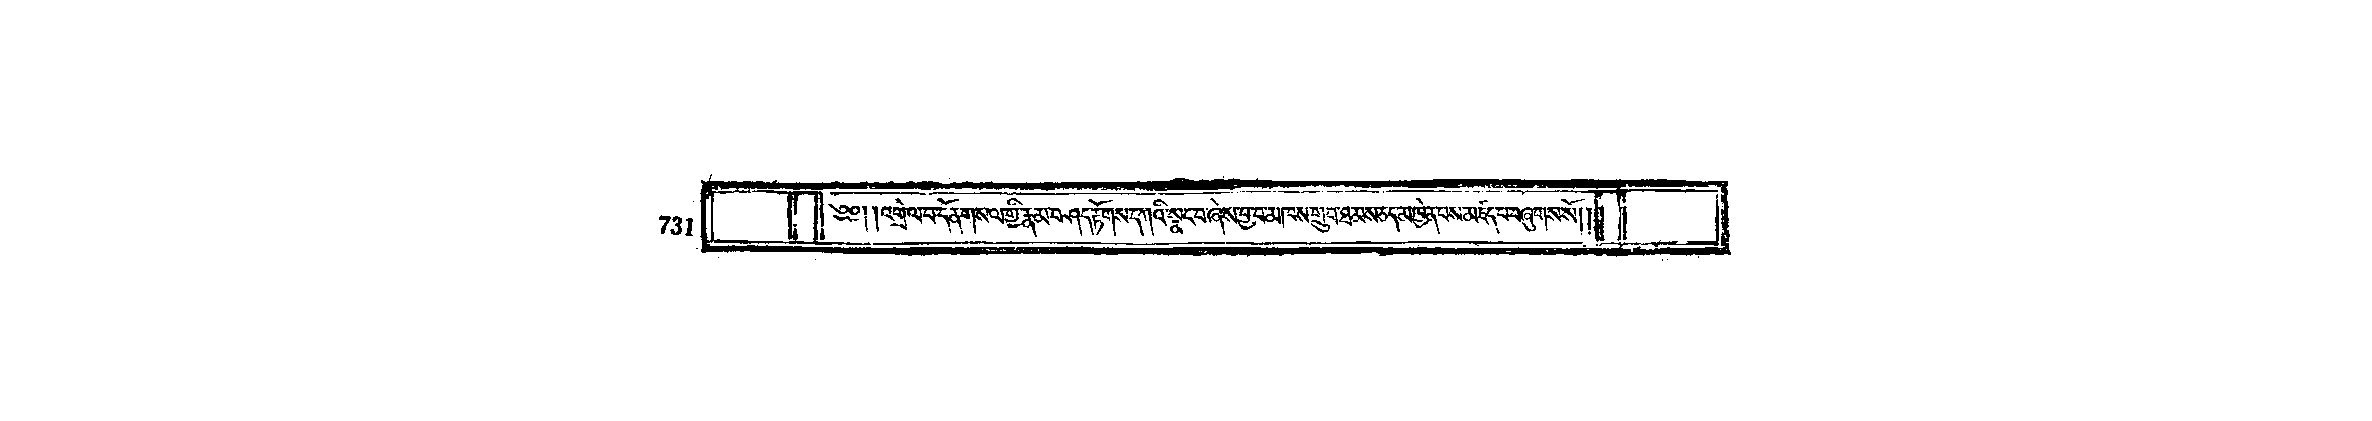༄༅། །འགྲེལ་པ་དོན་གསལ་གྱི་རྣམ་བཤད་རྟོགས་དཀའི་སྣང་བ་ཞེས་བྱ་བ་མཁས་གྲུབ་ཐམས་ཅད་མཁྱེན་པས་མཛད་པ་བཞུགས་སོ།།